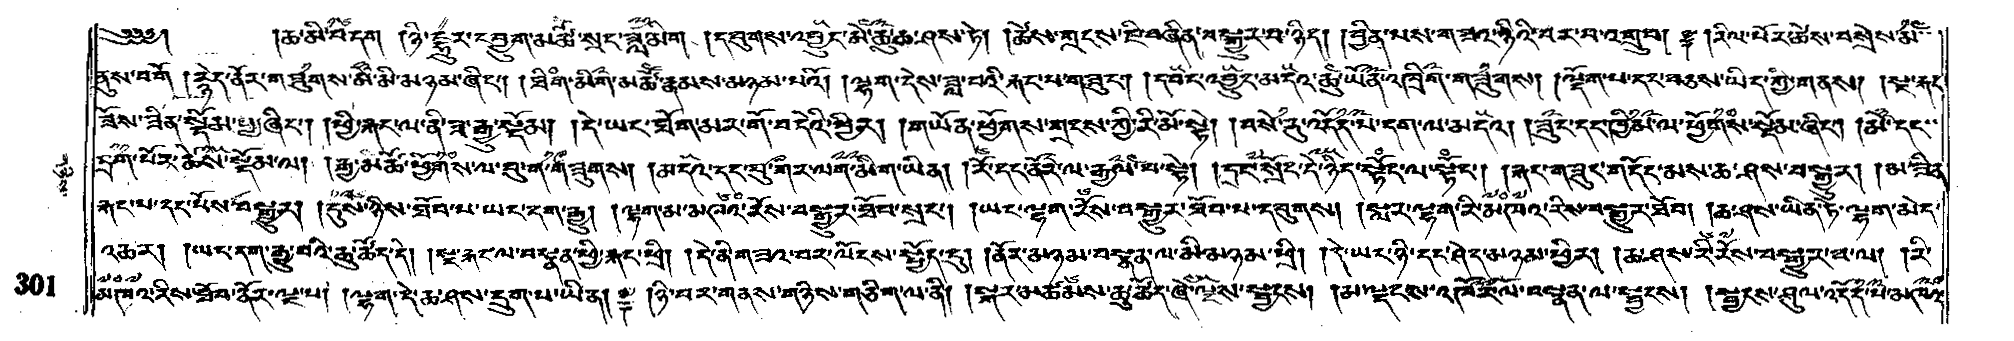༄༅༅། །ཆ་མི་བདག །ཉི་དྷྲུར་དབྱུག་མཚོ་སྲང་ཟླ་མིག །དབུགས་འབྱུང་མེ་ཆུ་ཆ་ཤས་ཏེ། །ཚེས་གྲངས་ཇི་བཞིན་བསྒྱུར་བ་ཉིད། །བྱིན་པས་གཟའ་ཉིའི་བར་བ་འགྲུབ། ༈ །རིལ་པོར་ཚེས་བསྲེས་མ་
ནུས་བགོ །རྙེད་ནོར་གཟུགས་མེ་མི་མཉམ་ཞིང་། །ཐིག་མིག་མཚོ་རྣམས་མཉམ་པའོ། །ལྷག་དེས་ཟླ་བའི་རྐང་བ་གཟུང་། །དབང་འབྱུང་མདའ་ཆུ་ཡོན་འཁྲིག་གཟུགས། །ལྡོག་པ་དང་བཅས་ཡིད་ཀྱི་གནས། །སྔ་རྐང་
ཟོས་ཟིན་སྡོམ་བྱ་ཞིང་། །ཕྱི་རྐང་ལ་ནི་ཟ་རྒྱུ་སྡོམ། །དེ་ཡང་ཐོག་མར་གོ་བདེའི་ཕྱིར། །གཡོན་ཕྱོགས་གྲངས་ཀྱི་རི་མོ་སྟེ། །བསེ་རུ་འདོད་པ་དག་ལ་མདའ། །ཟུང་དང་ཁྱིམ་ལ་ཕྱོགས་སྡོམ་ཞིང་། །མེ་དང་
དྲག་པོར་ཚེས་སྡོམ་ལ། །རྒྱ་མཚོ་ཕྱོགས་ལ་བུ་ག་གཟུགས། །མདའ་དང་བུ་གར་ལག་མིག་ཡིན། །རོ་དང་ནོར་ལ་རྒྱལ་བ་སྟེ། །དྲང་སྲོང་དེ་ཉིད་སྟོང་ལ་སྟོང་། །རྐང་གཟུང་གདོང་མས་ཆ་ཤས་བསྒྱུར། །མ་ཟིན་
རྐང་པ་དང་པོས་བསྒྱུར། །དུས་ཉིས་ཐོབ་པ་ཡང་དག་རྒྱུ། །ལྷག་མ་མཁའ་རོས་བསྒྱུར་ཐོབ་སྲང་། །ཡང་ལྷག་རོས་བསྒྱུར་ཐོབ་པ་དབུགས། །སླར་ལྷག་རི་མཁའ་རིས་བསྒྱུར་ཐོབ། །ཆ་ཤས་ཡིན་ཏེ་ལྷག་མེད་
འཆར། །ཡང་དག་རྒྱུ་བའི་ཆུ་ཚོད་དེ། །སྔ་རྐང་ལ་བསྣན་ཕྱི་རྐང་ཕྲི། །དེ་ནི་གཟའ་བར་ལོངས་སྤྱོད་དུ། །ནོར་མཉམ་བསྣན་ལ་མི་མཉམ་ཕྲི། །དེ་ཡང་ཉི་དང་ཤེད་མཉམ་ཕྱིར། །ཆ་ཤས་རི་རོས་བསྒྱུར་བ་ལ། །རི་
མཁའ་རིས་ཐོབ་ནོར་ལྔ་པ། །ལྷག་དེ་ཆ་ཤས་དྲུག་པ་ཡིན། ༈ །ཉི་བར་གནས་གཉིས་གཅིག་ལ་ནི། །སྐར་མཚམས་ཆུ་ཚོད་ཞེ་ལྔས་སྦྱངས། །མ་ལྡངས་འཁོར་ལོ་བསྣན་ལ་སྦྱངས། །སྦྱངས་ཤུལ་འདོད་པ་མཁའ་